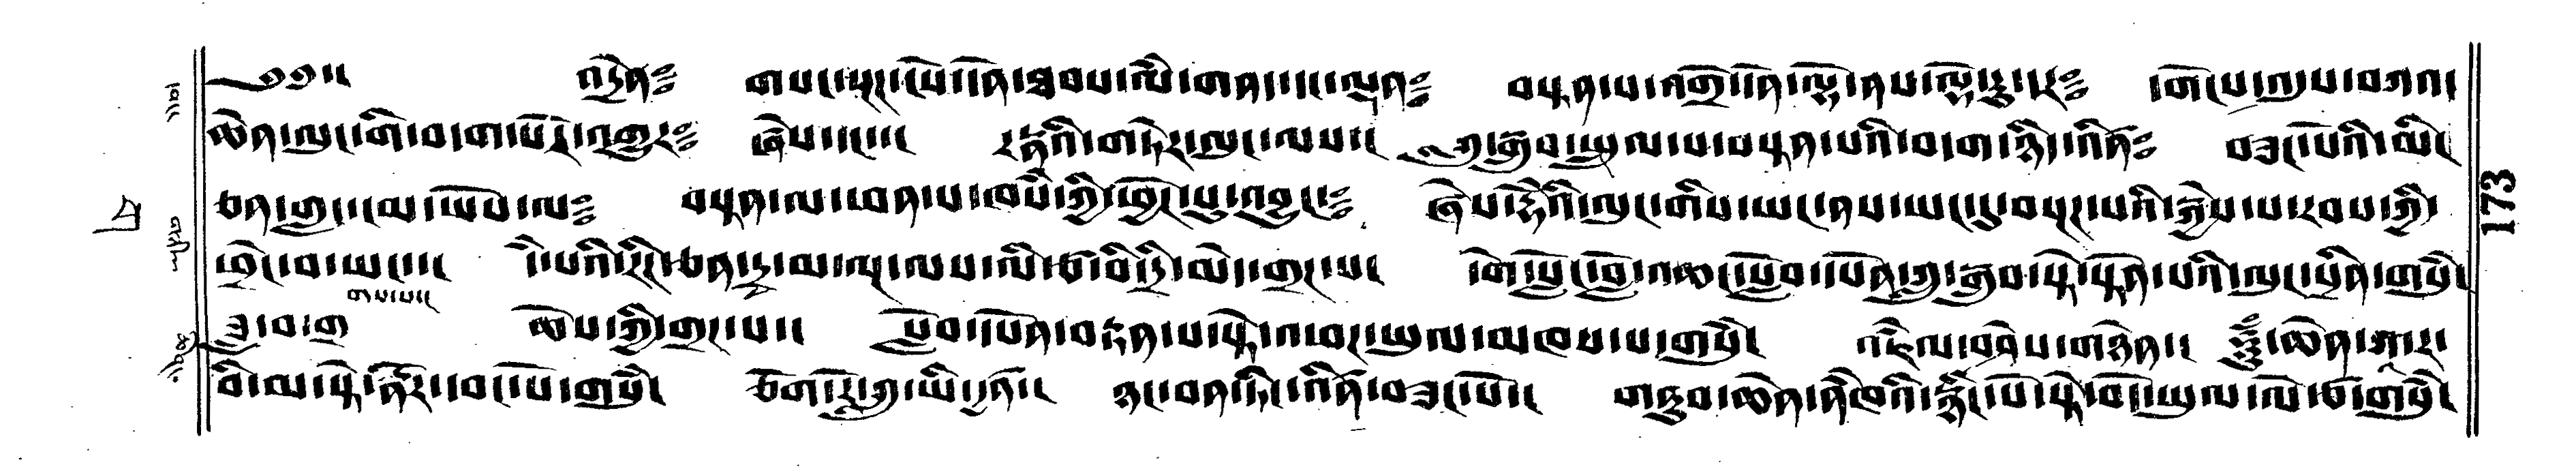འདྲེན༔ གསང་སྔགས་ངེས་དོན་ཐབས་ལམ་གནད་དང་ལྡན༔ བསྟན་པ་འགྲོ་དོན་ལྷོ་ནས་ལྷོ་རུ་དར༔ དགོངས་འདུས་བཀའ་
ཆེན་ལུང་གི་བདག་པོར་འགྱུར༔ ཞེས་དང་། རཏྣའི་གཏེར་ལུང་ལས། ཀླུ་སྒྲུབ་སྤྲུལ་པ་བསྟན་པའི་བདག་ཉིད་འཛིན༔ བཟང་པོའི་མིང་
ཅན་གླང་ངམ་ཡོས་ལོ་པ༔ བསྟན་ལ་ཕན་པ་ཁམས་ཀྱི་ཕྱོགས་སུ་འབྱུང༔ ཞེས་རྡོ་རྗེའི་ལུང་གིས་ཡང་ནས་ཡང་དུ་བསྔགས་པའི་སྐྱེས་པ་རབས་ཀྱི་
ཕྲེང་བ་ཡང་། དང་པོའི་རིགས་ཅན་དྲྭ་མ་ལྔ་ལས་ལི་ཙ་བི་དྲི་མེད་གྲགས་པ། དགེ་སློང་བློ་འཆང་སློབ་དཔོན་ཀླུ་སྒྲུབ་སྟེ་སྟོན་པའི་ལུང་ཟིན་གསུམ། 
ཟླ་བ་གྲགས་པ། ཆོས་གྱི་གྲགས་པ། སློབ་དཔོན་བསྟན་པ་སྟེ་འཕགས་ཡུལ་མཁས་པ་གསུམ། འཇམ་དཔལ་བཤེས་གཉེན། ཧཱུྃ་ཆེན་ཀཱ་ར། 
བི་མ་མི་ཏྲ་སྟེ་རྣལ་འབྱོར་དབང་པོ་གསུམ། གཅོག་རོ་ཀླུ་ཡི་རྒྱལ་མཚན། ཉང་བན་ཏིང་འཛིན་བཟང་པོ། གནུབས་ཆེན་ནམ་མཁའི་སྙིང་པོ་སྟེ་བོད་ཡུལ་ལོ་ཙཱ་གསུམ།